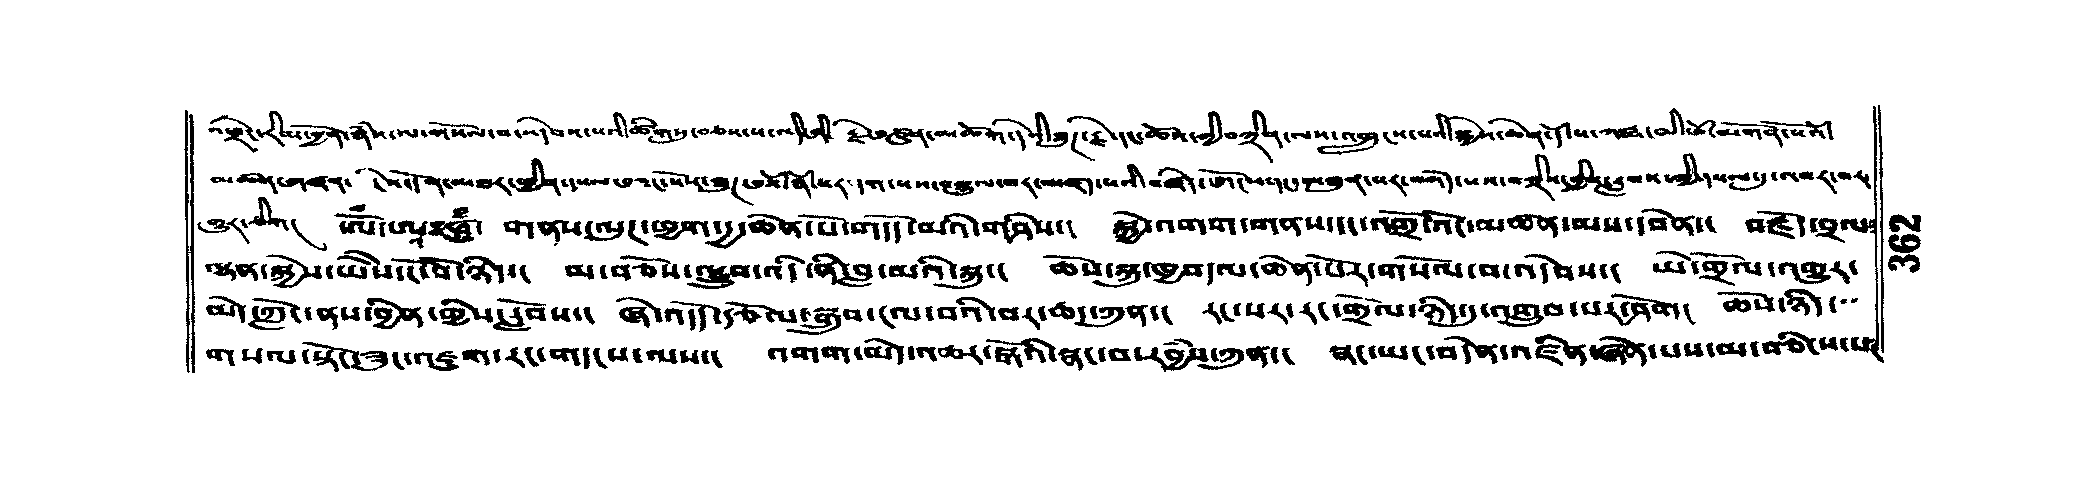འཕྲེང་རིམ་བྱོན་རྣམས་ལ་གསོལ་བ་འདེབས་པའི་ཚིགས་སུ་བཅད་པ་འདི་ནི། རྗེ་བཙུན་མཆོག་དེའི་ཐུགས་རྗེ་ཆོས་ཀྱི་བཀའ་དྲིན་ལས་འཁྲུངས་པའི་སྐྱེས་ཆེན་དམ་པ་ཀརྨ་མི་ཕམ་མགོན་པོའམ་
མཚན་གཞན། ངེས་དོན་མཐར་ཕྱིན་དཔལ་བཟང་པོས་ཐུགས་བསམ་རྣམ་པར་དག་པས་བསྐུལ་བར་མཛད་པའི་བཞེད་དགོངས་དང་མཐུན་པར་བཀོད་པས་བཀྲ་ཤིས་བྱིན་རླབས་ཀྱི་དཔལ་དུ་འབར་བར་
གྱུར་ཅིག ཨོཾ་ཨཱཿཧཱུྃ། གནས་ལུགས་ཕྱག་རྒྱ་ཆེན་པོ་གདོད་མའི་གཤིས། །སྐྱེ་དགག་གནས་དང་འགྲོ་འོང་མཚན་མས་དབེན། །བརྗོད་བྲལ་
ལྷན་སྐྱེས་ཡེ་ཤེས་ངོ་བོ་ཉིད། །མ་བཅོས་ལྷུན་གྲུབ་འདི་ནི་བླ་མའི་སྐུ། །ཆོས་སྐུ་ཁྱབ་བདལ་ཆེན་པོར་གསོལ་བ་འདེབས། །ཡེ་གྲོལ་འགྱུར་
མེད་ཀློང་ནས་བྱིན་གྱིས་རློབས། །ཞེ་འདོད་རྩོལ་སྒྲུབ་ངལ་བའི་བར་ཆད་ཀུན། །རང་སར་རང་གྲོལ་ཉིད་དུ་འགྲུབ་པར་ཤོག །ཆོས་ཉིད་
གསལ་སྟོང་ཟུང་འཇུག་རང་གདངས་ལས། །འགག་མེད་འཆར་སྒོའི་སྣང་བ་རབ་འབྱམས་ཀུན། །སྣང་ཡང་བདེན་འཛིན་ཞེན་པས་མ་བཅིངས་པ།